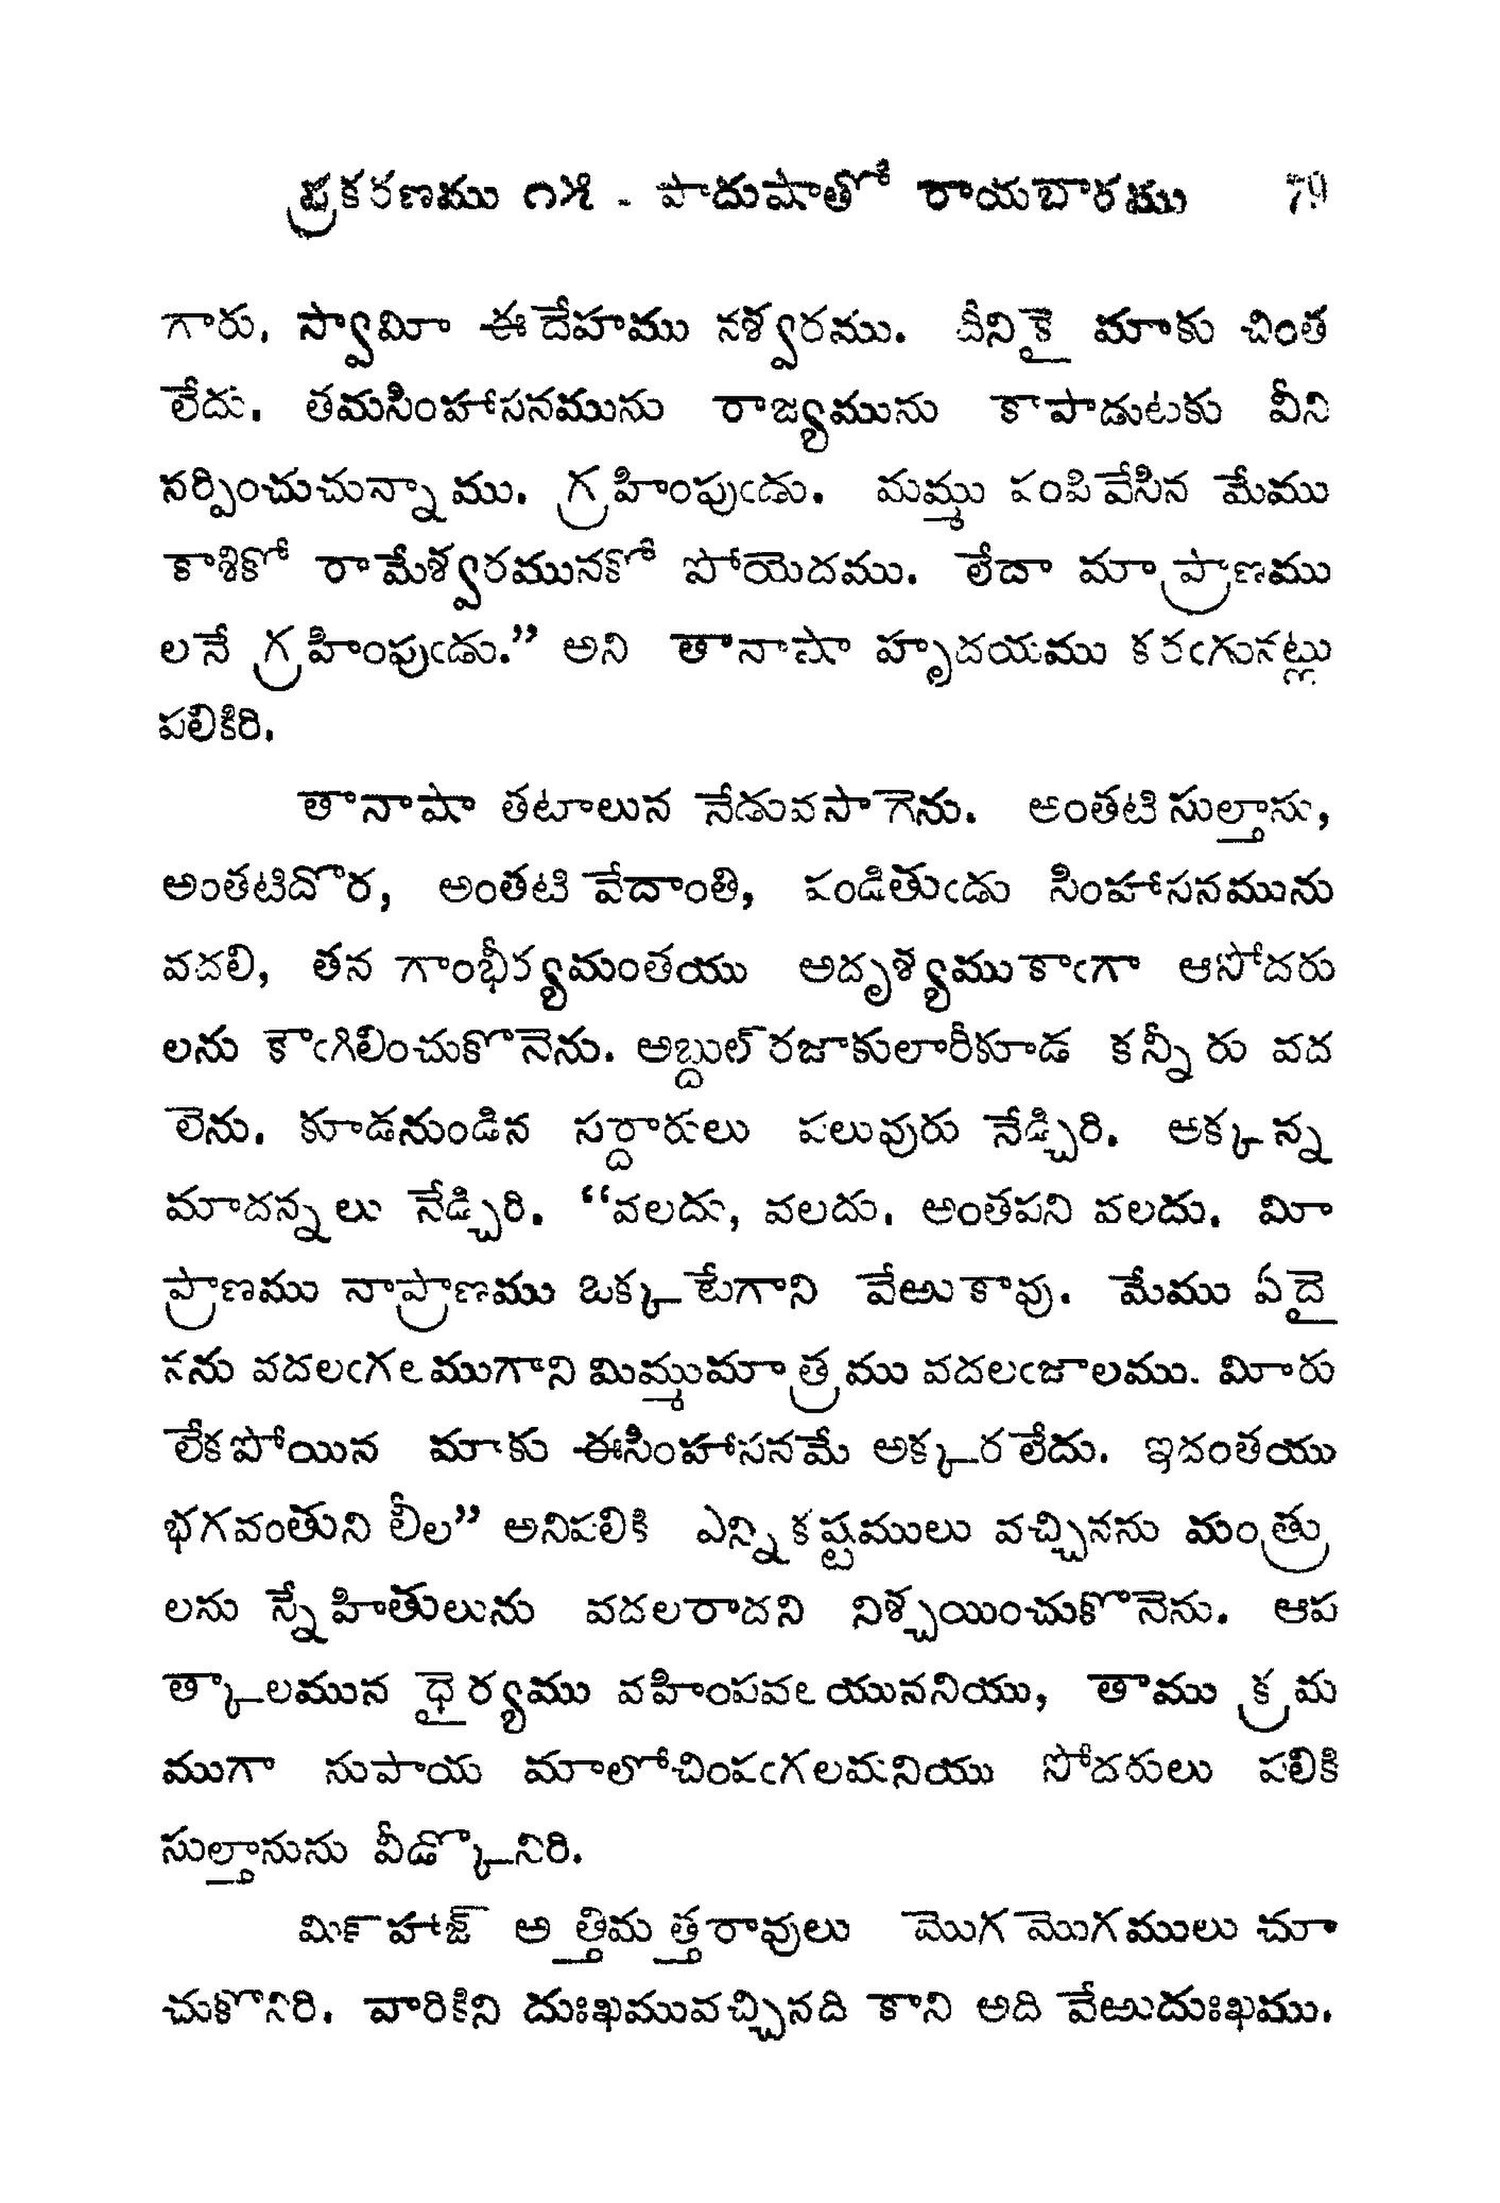గారు. స్వామీ ఈదేహము నశ్వరము. దీనికై మాకు చింత లేదు. తమసింహాసనమును రాజ్యమును కాపాడుటకు వీని నర్పించుచున్నాము. గ్రహింపుఁడు. మమ్ము పంపివేసిన మేము కాశికో రామేశ్వరమునకో పోయెదము. లేదా మాప్రాణములనే గ్రహింపుఁడు.” అని తానాషా హృదయము కరఁగునట్లు పలికిరి.

తానాషా తటాలున నేడువసాగెను. అంతటిసుల్తాసు, అంతటిదొర, అంతటి వేదాంతి, పండితుఁడు సింహాసనమును వదలి, తన గాంభీర్యమంతయు అదృశ్యముకాఁగా ఆసోదరులను కౌఁగిలించుకొనెను. అబ్దుల్‌రజాకులారీకూడ కన్నీరు వదలెను. కూడనుండిన సర్దారులు పలువురు నేడ్చిరి. అక్కన్న మాదన్నలు నేడ్చిరి. “వలదు, వలదు, అంతపని వలదు. మీ ప్రాణము నాప్రాణము ఒక్కటేగాని వేఱుకావు. మేము ఏదైనను వదలఁగలముగాని మిమ్ముమాత్రము వదలఁజాలము. మీరు లేకపోయిన మాకు ఈసింహాసనమే అక్కరలేదు. ఇదంతయు భగవంతుని లీల” అనిపలికి ఎన్నికష్టములు వచ్చినను మంత్రులను స్నేహితులును వదలరాదని నిశ్చయించుకొనెను. ఆపత్కాలమున ధైర్యము వహింపవలయుననియు, తాము క్రమముగా నుపాయ మాలోచింపఁగలమనియు సోదరులు పలికి సుల్తానును వీడ్కొనిరి.

మిౝహాజ్ అత్తిమత్తరావులు మొగమొగములు చూచుకొనిరి. వారికిని దుఃఖమువచ్చినది కాని అది వేఱుదుఃఖము.